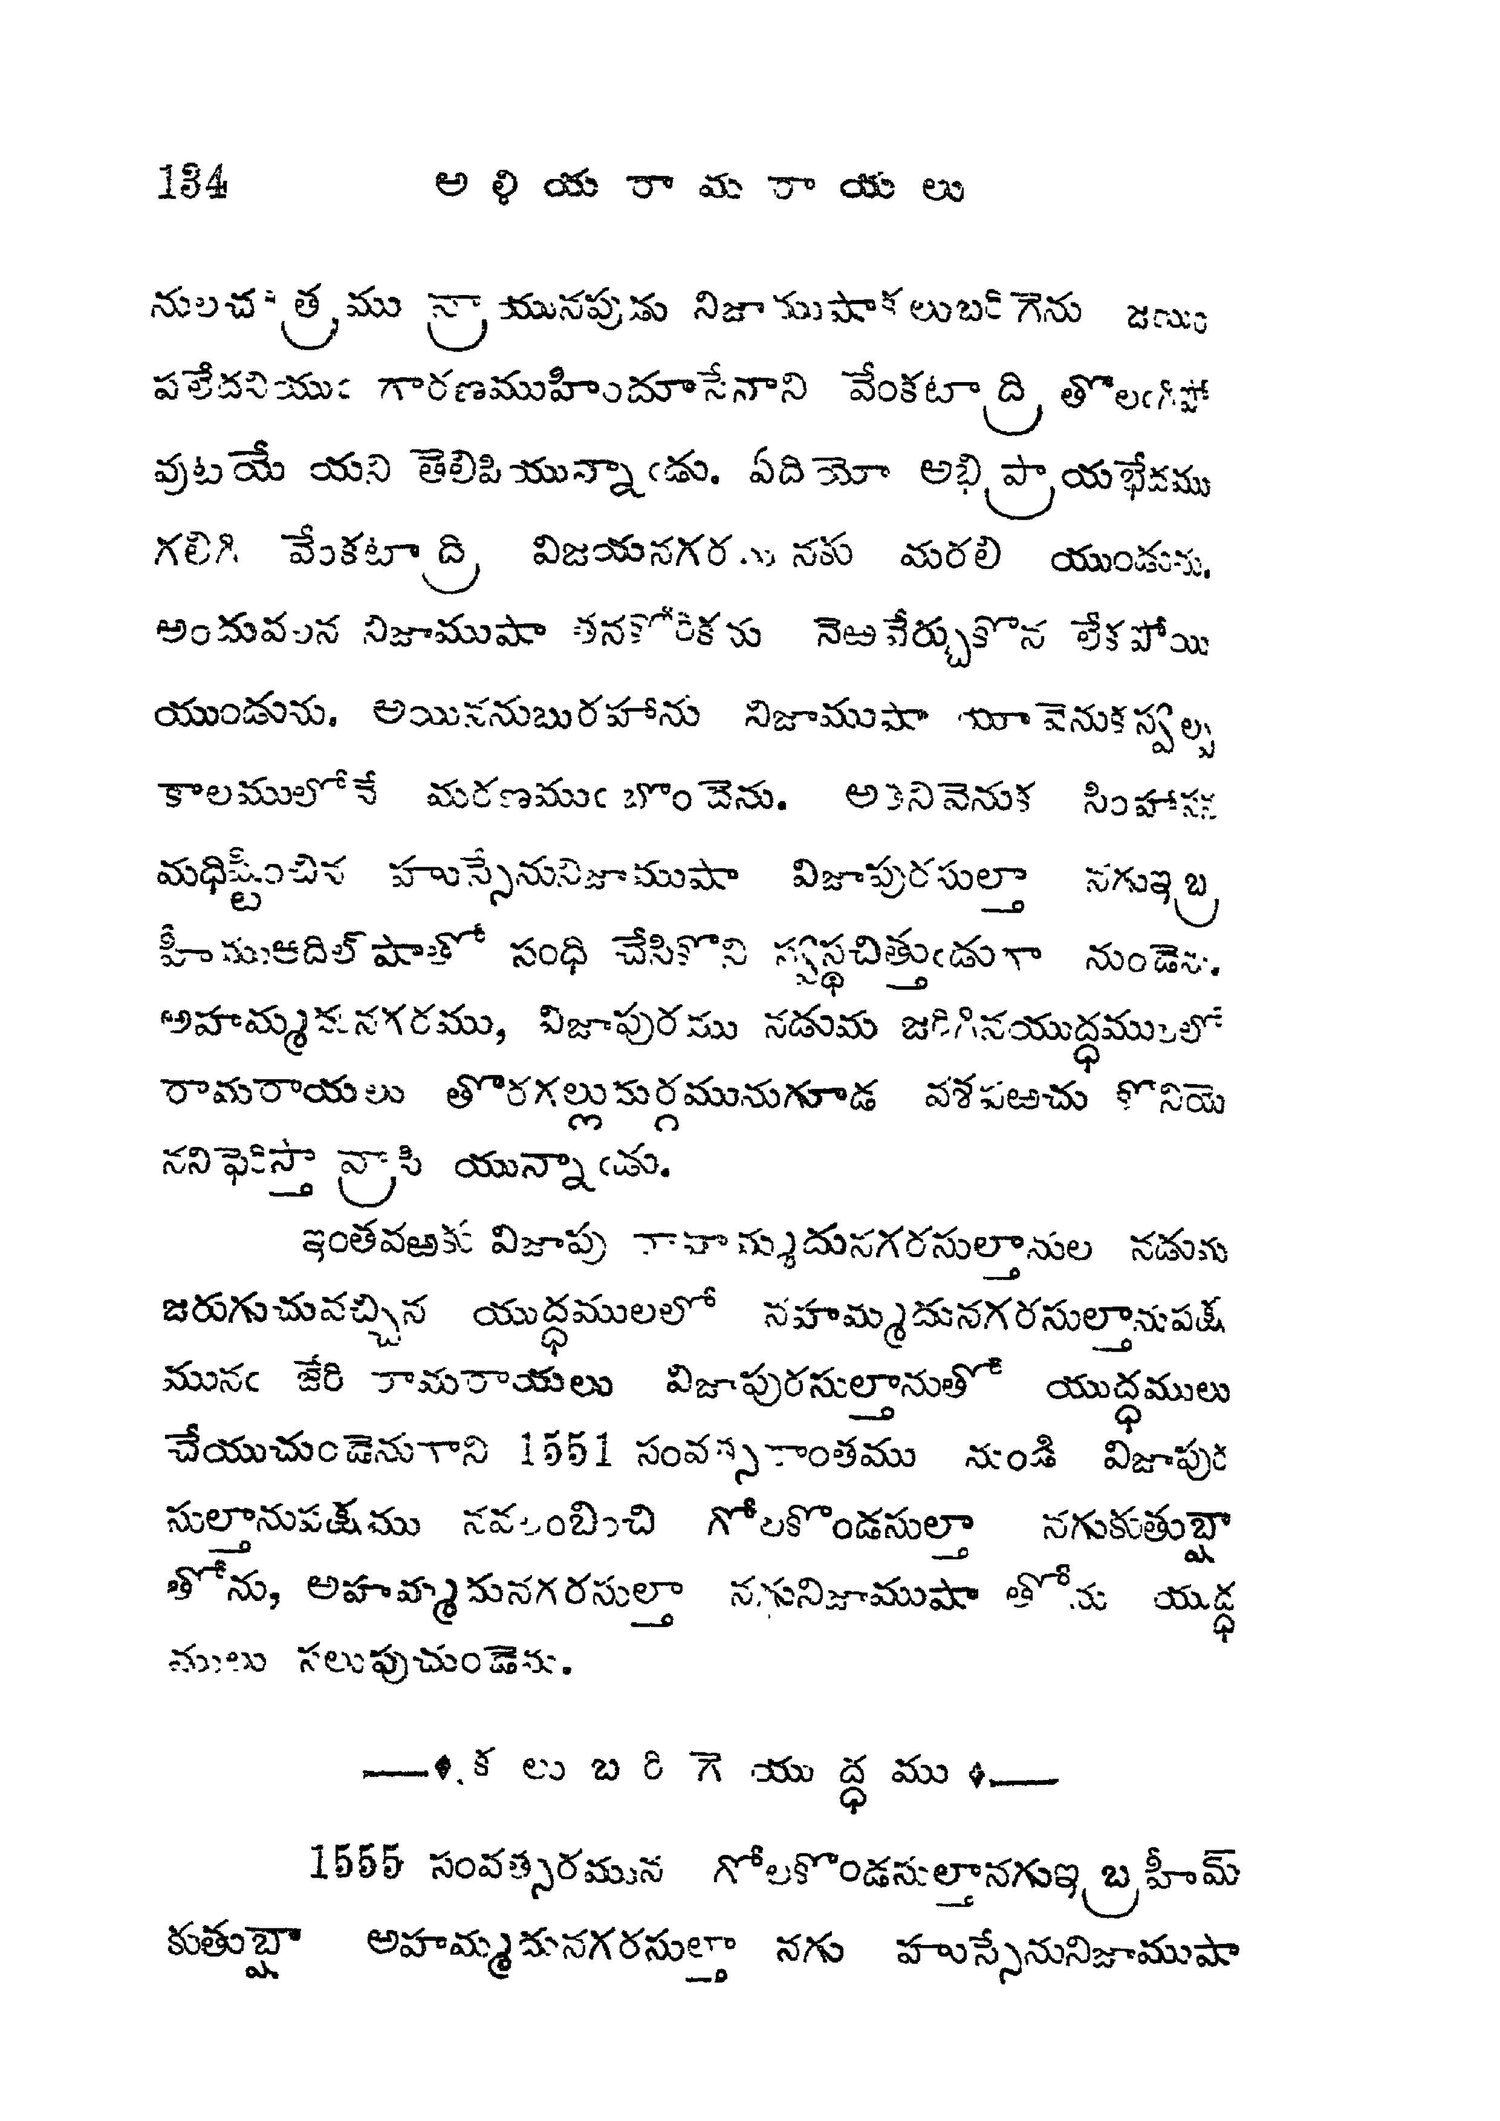నుల చరిత్రము వ్రాయునపుడు నిజాముషాకలుబరిగెను జయింపలేదనియు: గారణముహిందూసేనాని వేంకటాద్రి తొలగిపోవుటయే యని తెలిపియున్నాడు. ఏదియో అభిప్రాయభేదము గలిగి వేంకటాద్రి విజయనగరమునకు మరలి యుండును. అందువలన నిజాముషా తనకోరికను నెఱవేర్చుకొన లేకపోయి యుండును. అయిననుబురహాను నిజాముషా యావెనుకస్వల్పకాలములోనే మరణము బొందెను. అతనివెనుక సింహాసన మధిష్టించిన హుస్సేనునిజాముషా విజాపురసుల్తా నగుఇబ్రహీముఆదిల్‌షాతో సంధి చేసికొని స్వస్థచిత్తుడుగా నుండెను. అహమ్మదునగరము, విజాపురము నడుమ జరిగినయుద్ధములలో రామరాయలు తొరగల్లుదుర్గమునుగూడ వశపఱచు కొనియె ననిఫెరిస్తా వ్రాసి యున్నాడు.

ఇంతవఱకు విజాపు రాహమ్మదునగరసుల్తానుల నడుమ జరుగుచువచ్చిన యుద్ధములలో నహమ్మదునగరసుల్తాను పక్షమున జేరి రామరాయలు విజాపురసుల్తానుతో యుద్ధములు చేయుచుండెనుగాని 1551 సంవత్సరాంతము నుండి విజాపురసుల్తానుపక్షము నవలంబించి గోలకొండసుల్తా నగుకుతుబ్షాతోను, అహమ్మదునగరసుల్తా నగునిజాముషా తోను యుద్ధములు సలుపుచుండెను.

1555 సంవత్సరమున గోలకొండసుల్తానగు ఇబ్రహీమ్‌కుతుబ్షా అహమ్మదునగరసుల్తా నగు హుస్సేనునిజాముషా